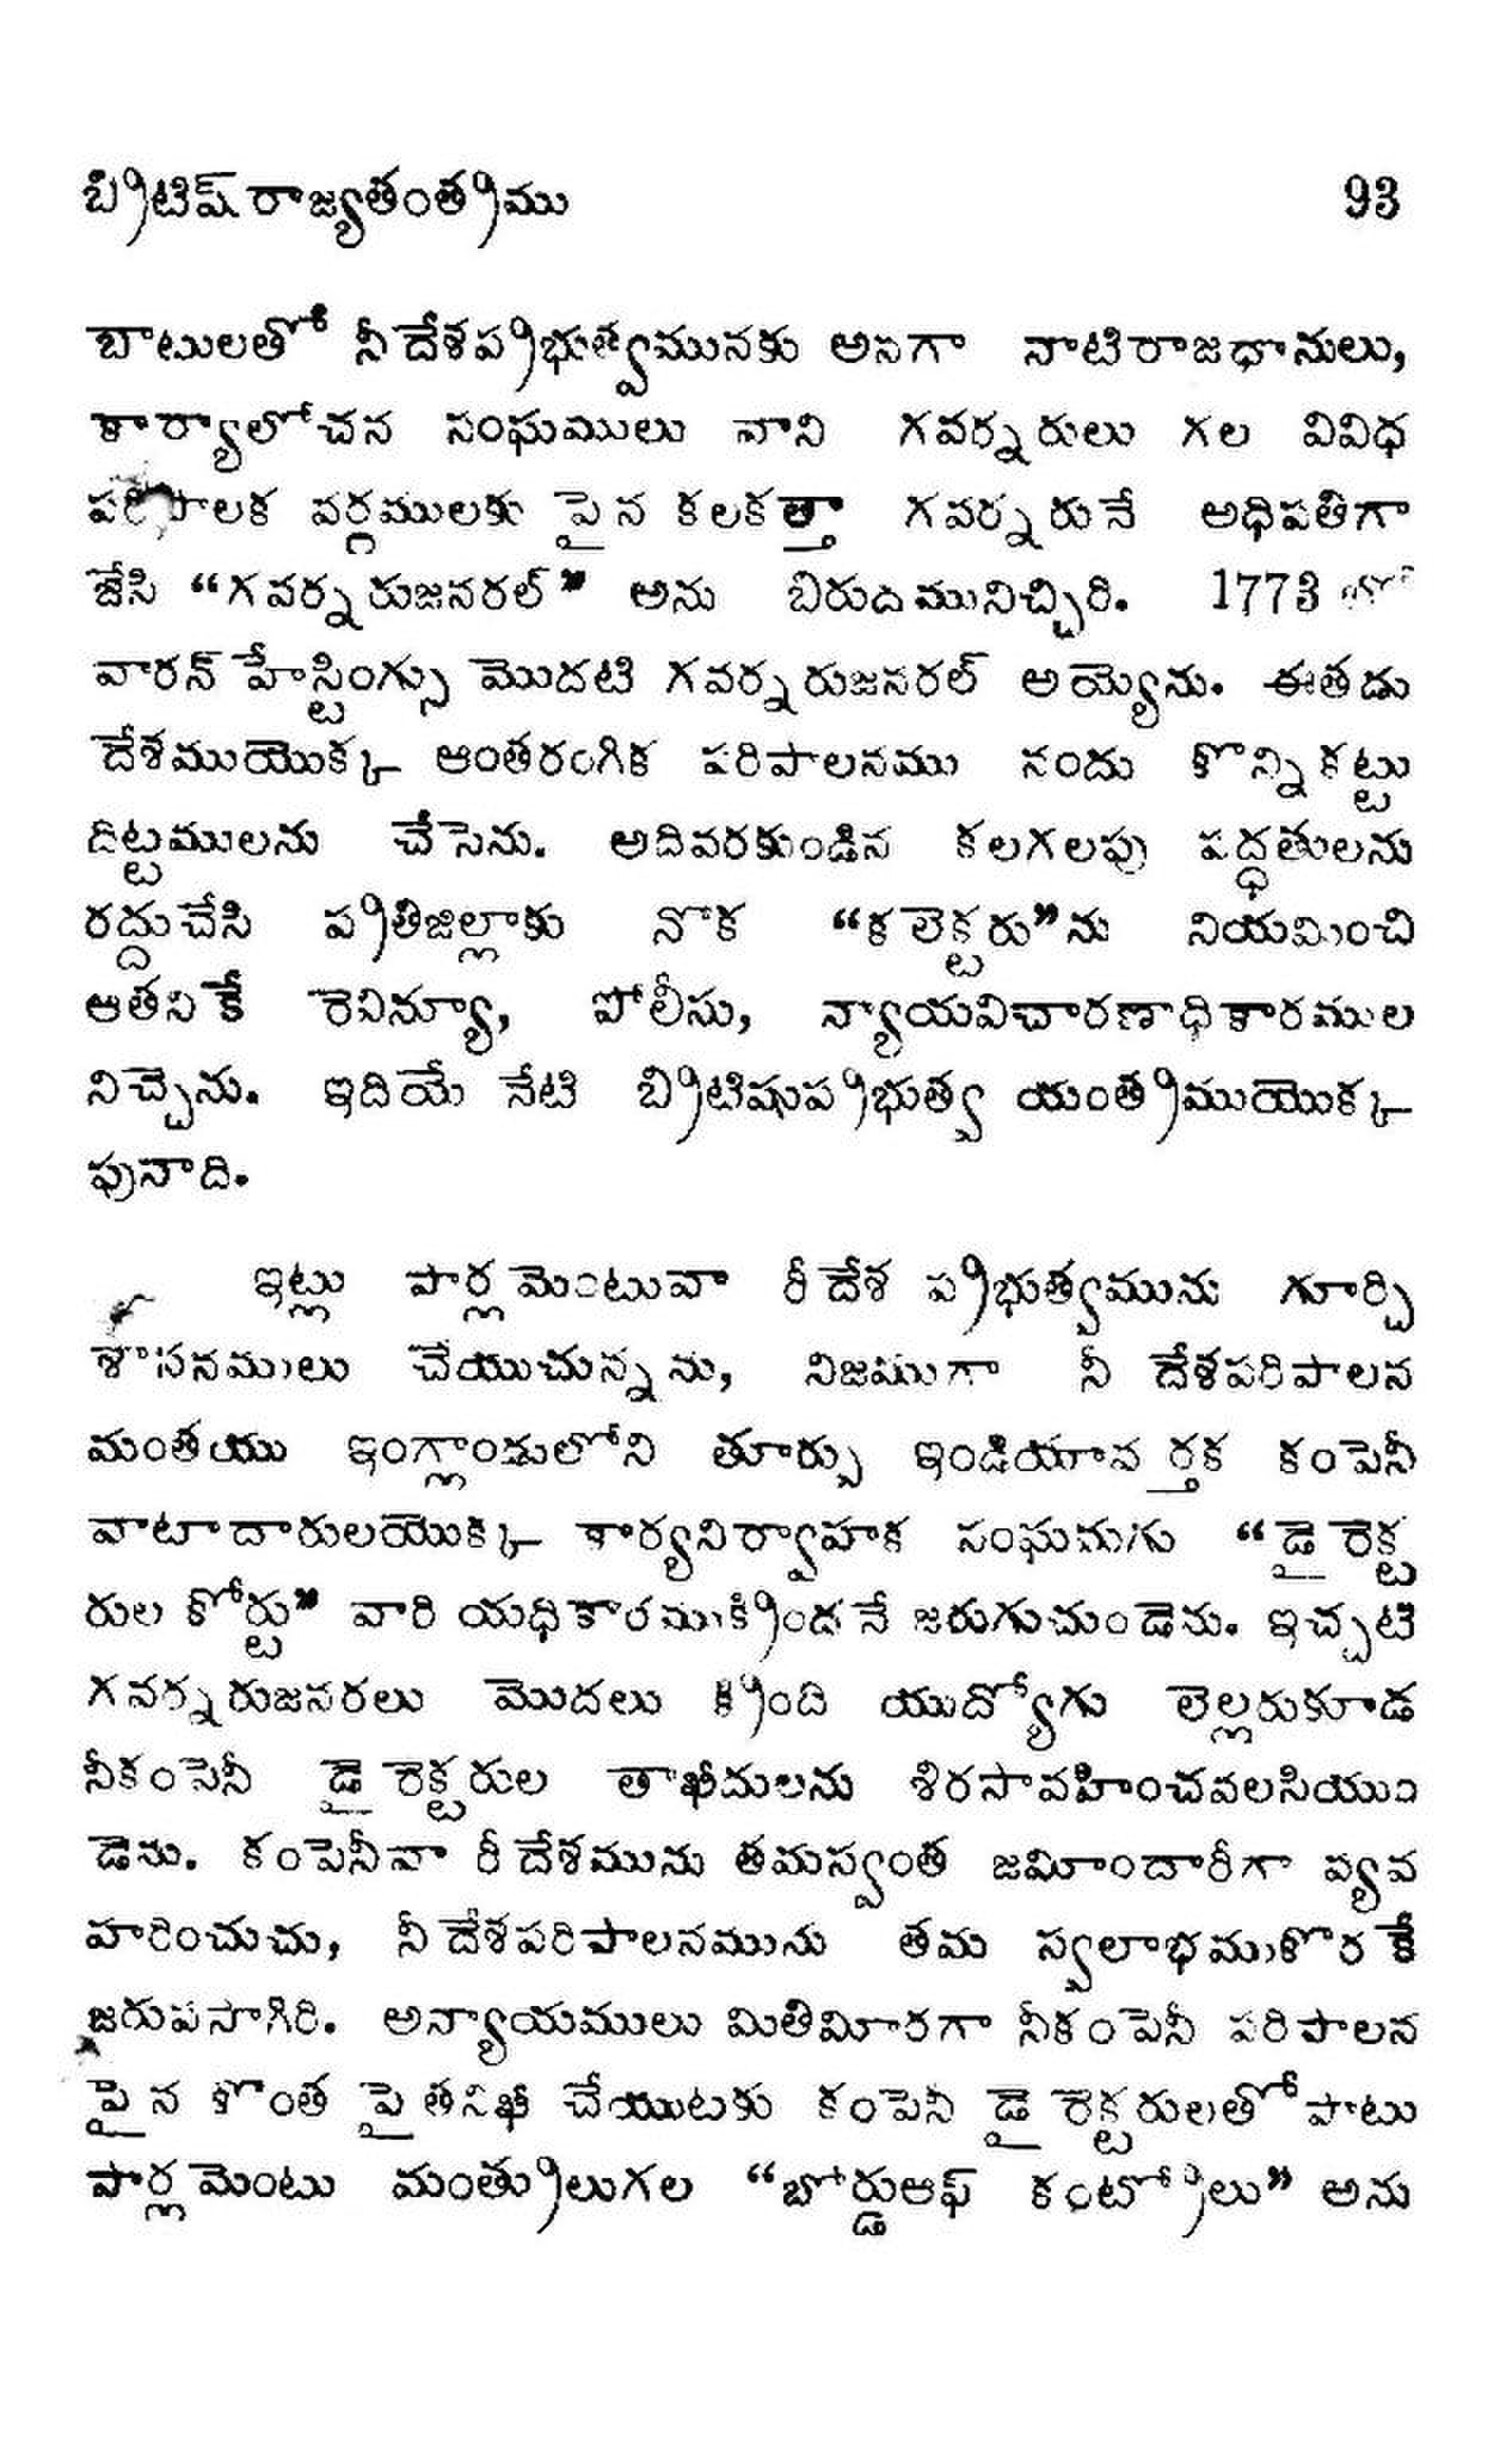బాటులతో నీదేశప్రభుత్వమునకు అనగా నాటిరాజధానులు, కార్యాలోచన సంఘములు వాని గవర్నరులు గల వివిధ పరిపాలక వర్గములకు పైన కలకత్తా గవర్నరునే అధిపతిగా జేసి “గవర్నరుజనరల్ " అను బిరుదమునిచ్చిరి. 1773 లో వారన్ హేస్టింగ్సు మొదటి గవర్నరుజనరల్ అయ్యెను. ఈతడు దేశముయొక్క ఆంతరంగిక పరిపాలనము నందు కొన్ని కట్టుదిట్టములను చేసెను. అదివరకుండిన కలగలపు పద్ధతులను రద్దుచేసి ప్రతిజిల్లాకు నొక “కలెక్టరు"ను నియమించి ఆతనికే రెవిన్యూ, పోలీసు, న్యాయవిచారణాధికారముల నిచ్చెను. ఇదియే నేటి బ్రిటిషుప్రభుత్వ యంత్రముయొక్క పునాది.

ఇట్లు పార్లమెంటువా రీ దేశ ప్రభుత్వమును గూర్చి శాసనములు చేయుచున్నను, నిజముగా నీ దేశపరిపాలన మంతయు ఇంగ్లాండులోని తూర్పు ఇండియావర్తక కంపెనీ వాటాదారులయొక్క కార్యనిర్వాహక సంఘమగు "డైరెక్టరుల కోర్టు" వారి యధికారముక్రిందనే జరుగుచుండెను. ఇచ్చటి గవర్నరుజనరలు మొదలు క్రింది యుద్యోగు లెల్లరుకూడ నీకంపెనీ డైరెక్టరుల తాఖీదులను శిరసావహించవలసియుండెను. కంపెనీవా రీ దేశమును తమస్వంత జమీందారీగా వ్యవహరించుచు, నీ దేశపరిపాలనమును తమ స్వలాభముకొరకే జరుపసాగిరి. అన్యాయములు మితిమీరగా నీకంపెనీ పరిపాలనపైన కొంత పైతనిఖీచేయుటకు కంపెనీ డైరెక్టరులతోపాటు పార్లమెంటు మంత్రులుగల "బోర్డుఆఫ్ కంట్రోలు" అను